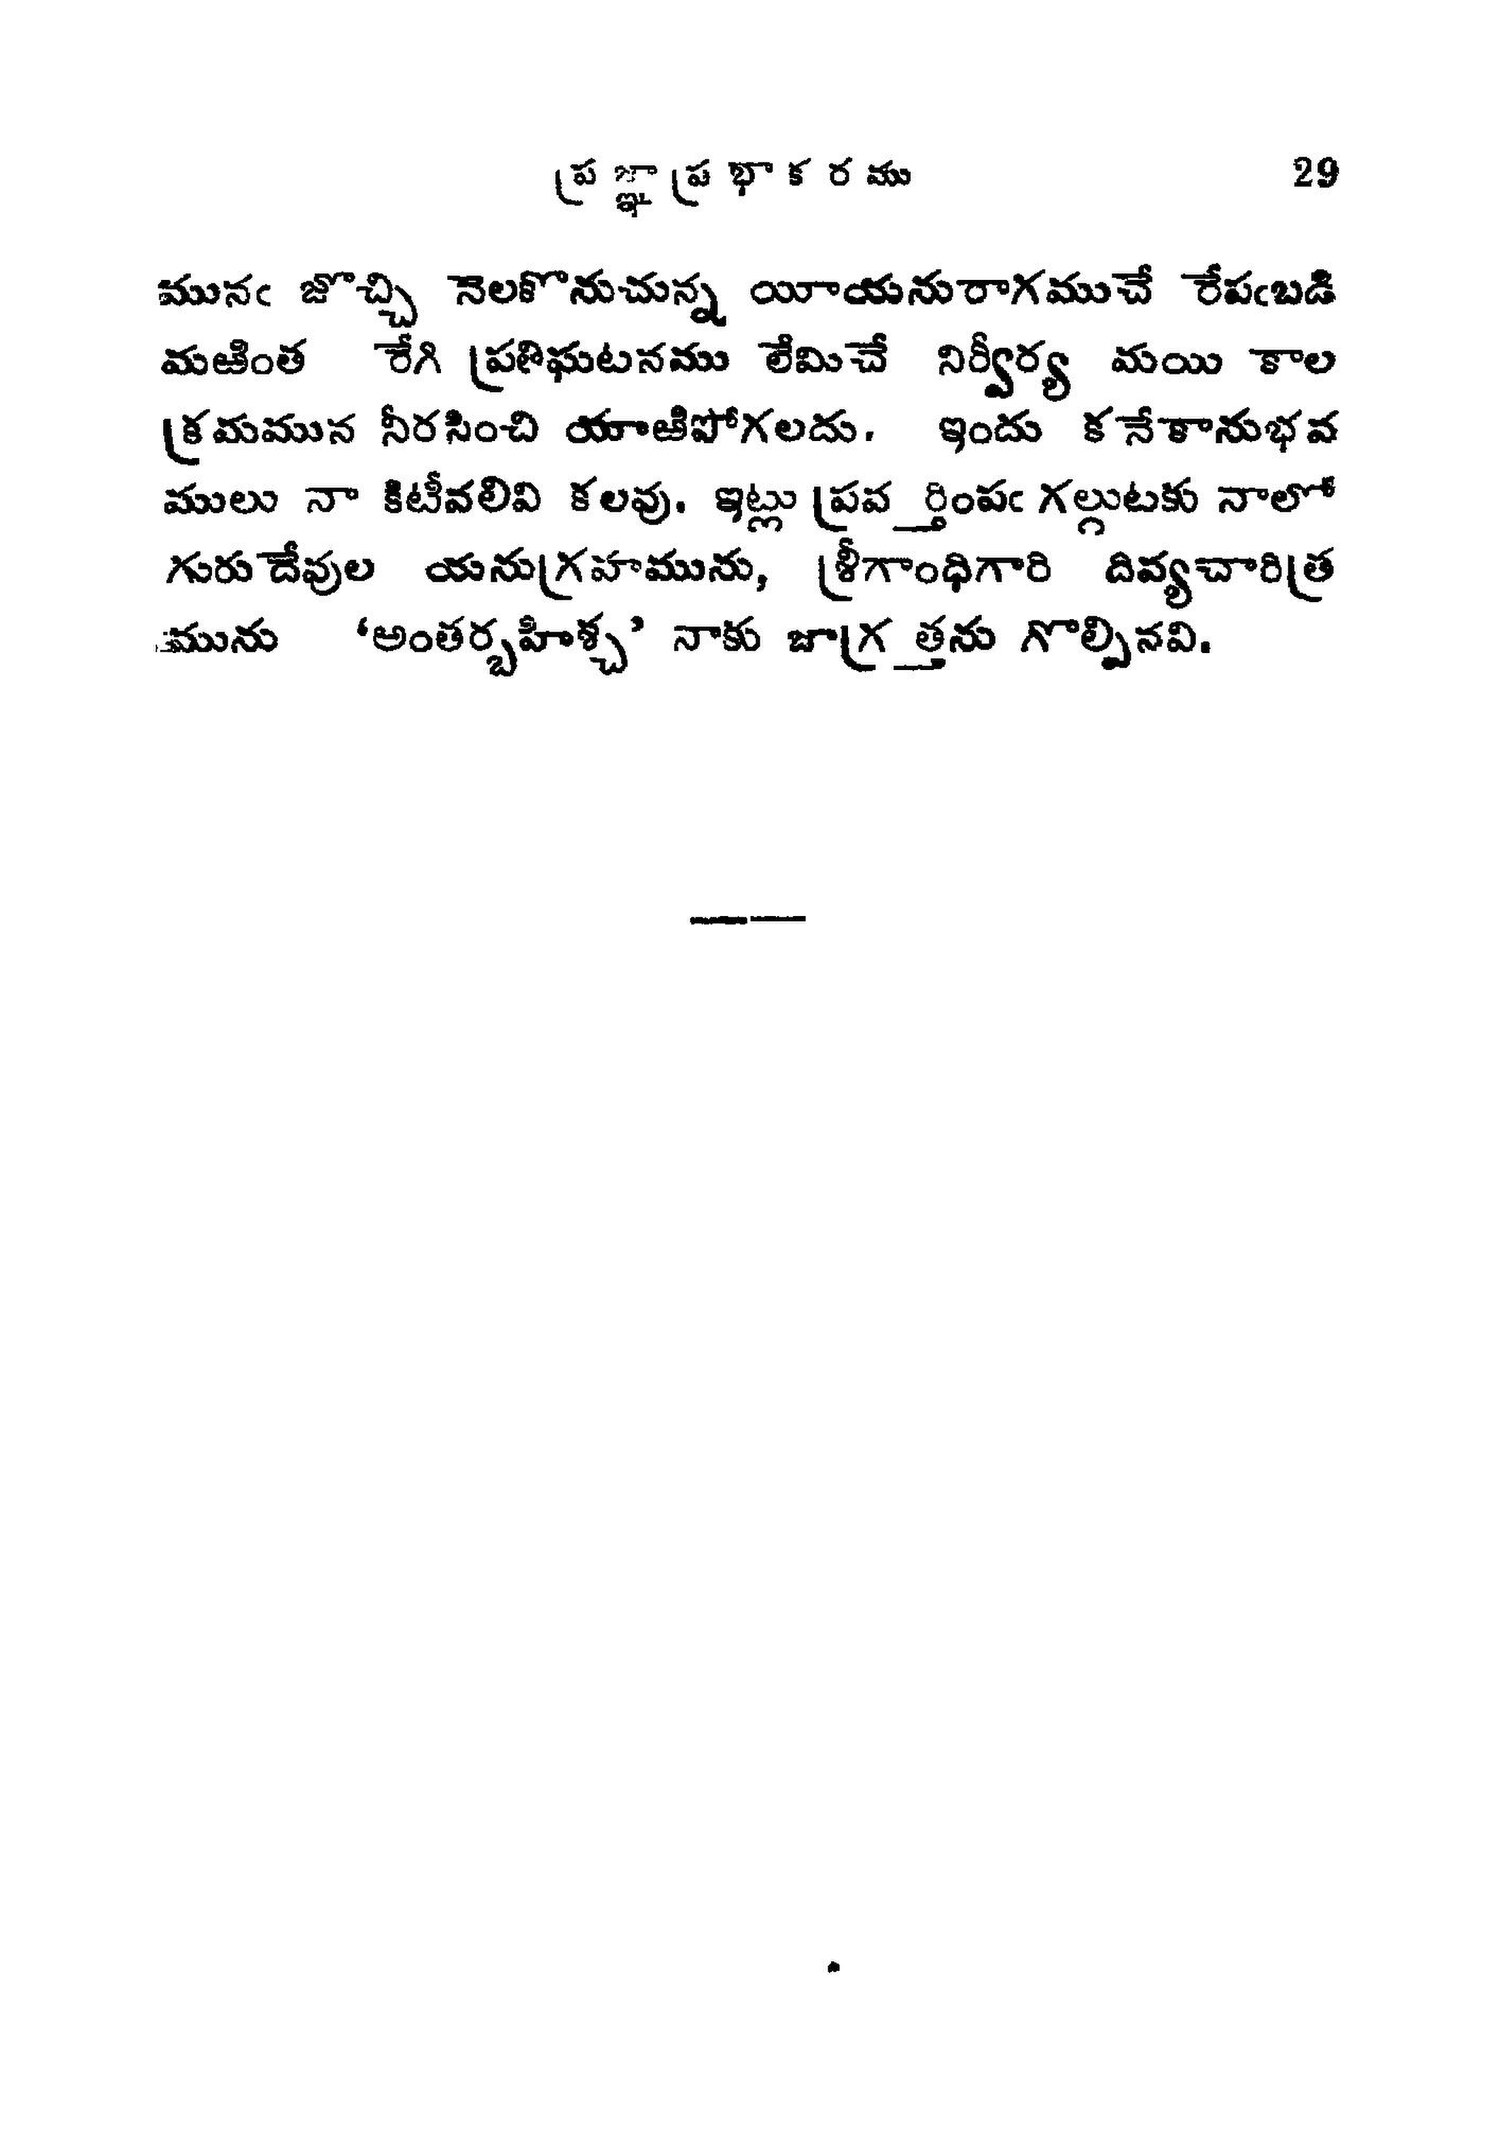మునఁజొచ్చి నెలకొనుచున్న యీయనురాగముచే రేపఁబడి మఱింత రేగి ప్రతిఘటనము లేమిచే నిర్వీర్యమయి కాలక్రమమున నీరసించి యాఱిపోగలదు. ఇందు కనేకానుభవములు నా కీటివలివి కలవు. ఇట్లు ప్రవర్తింపఁ గల్గుటకు నాలో గురుదేవుల యనుగ్రహమును, శ్రీ గాంధిగారి దివ్య చారిత్రమును 'అంత ర్బహిశ్చ'నాకు జాగ్రత్తను గొల్పనవి.